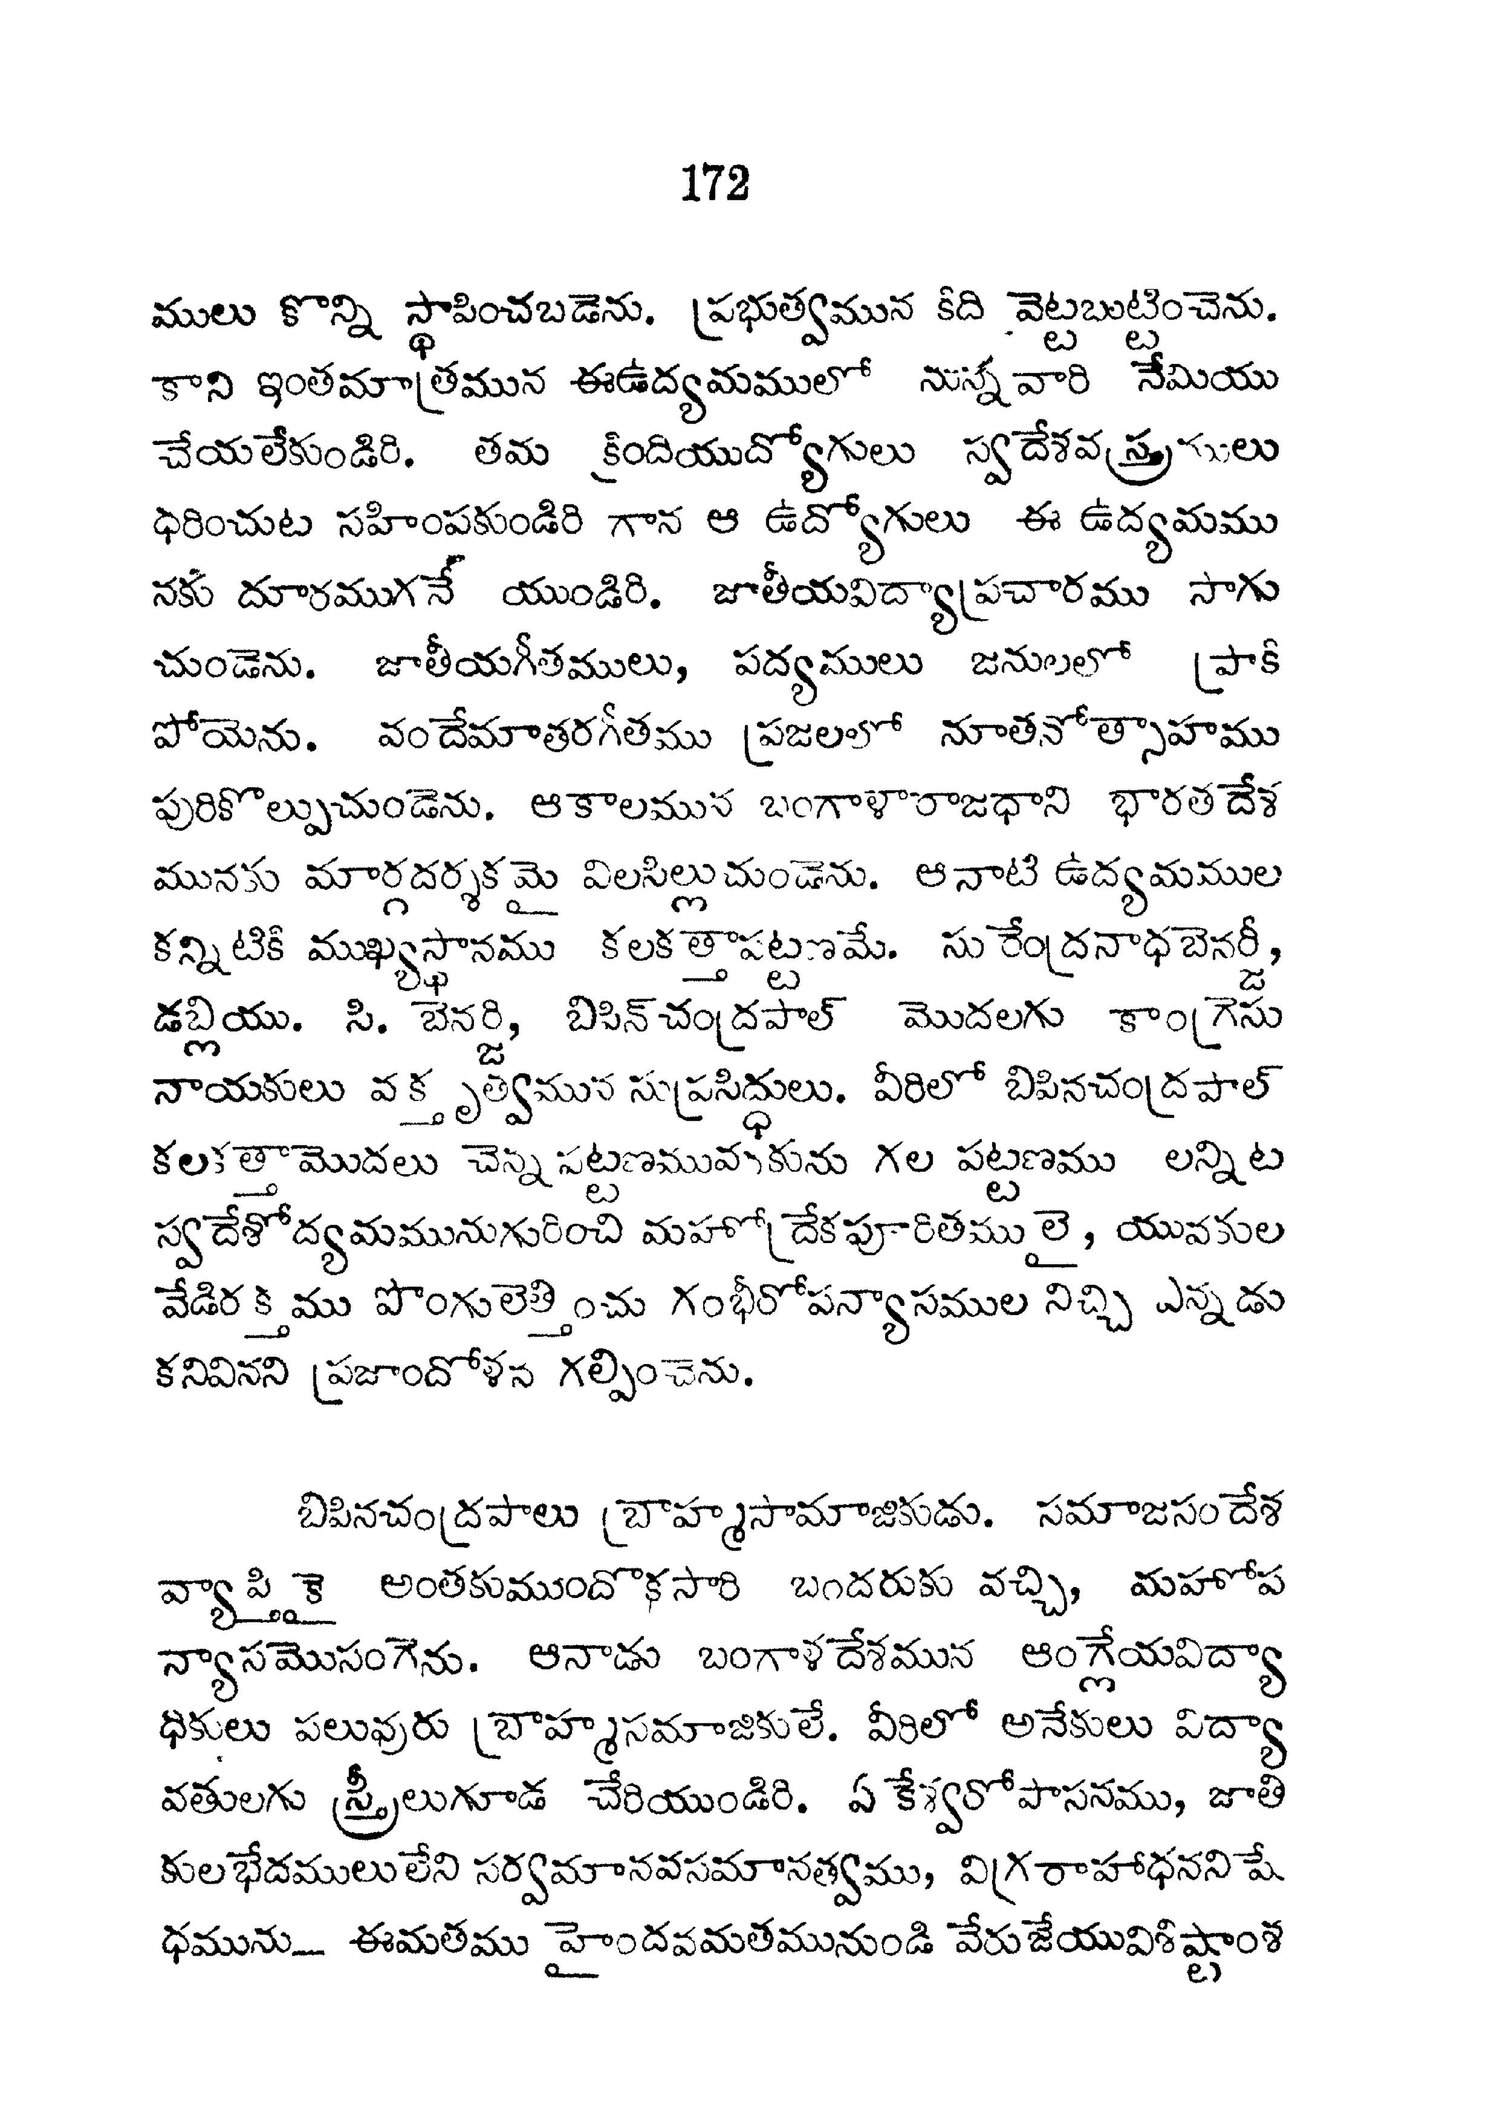ములు కొన్ని స్థాపించబడెను. ప్రభుత్వమున కిది వెట్టబుట్టించెను. కాని ఇంతమాత్రమున ఈఉద్యమములో నున్నవారి నేమియు చేయలేకుండిరి. తమ క్రిందియుద్యోగులు స్వదేశవస్త్రములు ధరించుట సహింపకుండిరి గాన ఆ ఉద్యోగులు ఈ ఉద్యమమునకు దూరముగనే యుండిరి. జాతీయవిద్యాప్రచారము సాగుచుండెను. జాతీయగీతములు, పద్యములు జనులలో ప్రాకిపోయెను. వందేమాతరగీతము ప్రజలలో నూతనోత్సాహము పురికొల్పుచుండెను. ఆకాలమున బంగాళారాజధాని భారతదేశమునకు మార్గదర్శకమై విలసిల్లుచుండెను. ఆనాటి ఉద్యమముల కన్నిటికి ముఖ్యస్థానము కలకత్తాపట్టణమే. సురేంద్రనాధబెనర్జీ, డబ్లియు. సి. బెనర్జి, బిపిన్‌చంద్రపాల్ మొదలగు కాంగ్రెసునాయకులు వక్తృత్వమున సుప్రసిద్ధులు. వీరిలో బిపినచంద్రపాల్ కలకత్తామొదలు చెన్నపట్టణమువరకును గల పట్టణము లన్నిట స్వదేశోద్యమమునుగురించి మహోద్రేకపూరితములై, యువకుల వేడిరక్తము పొంగులెత్తించు గంభీరోపన్యాసముల నిచ్చి ఎన్నడు కనివినని ప్రజాందోళన గల్పించెను.

బిపినచంద్రపాలు బ్రాహ్మసామాజికుడు. సమాజసందేశ వ్యాప్తికై అంతకుముందొకసారి బందరుకు వచ్చి, మహోపన్యాసమొసంగెను. ఆనాడు బంగాళదేశమున ఆంగ్లేయవిద్యాధికులు పలువురు బ్రాహ్మసమాజికులే. వీరిలో అనేకులు విద్యావతులగు స్త్రీలుగూడ చేరియుండిరి. ఏ కేశ్వరోపాసనము, జాతి కులభేదములులేని సర్వమానవసమానత్వము, విగ్రహారాధననిషేధమును - ఈమతము హైందవమతమునుండి వేరుజేయువిశిష్టాంశ